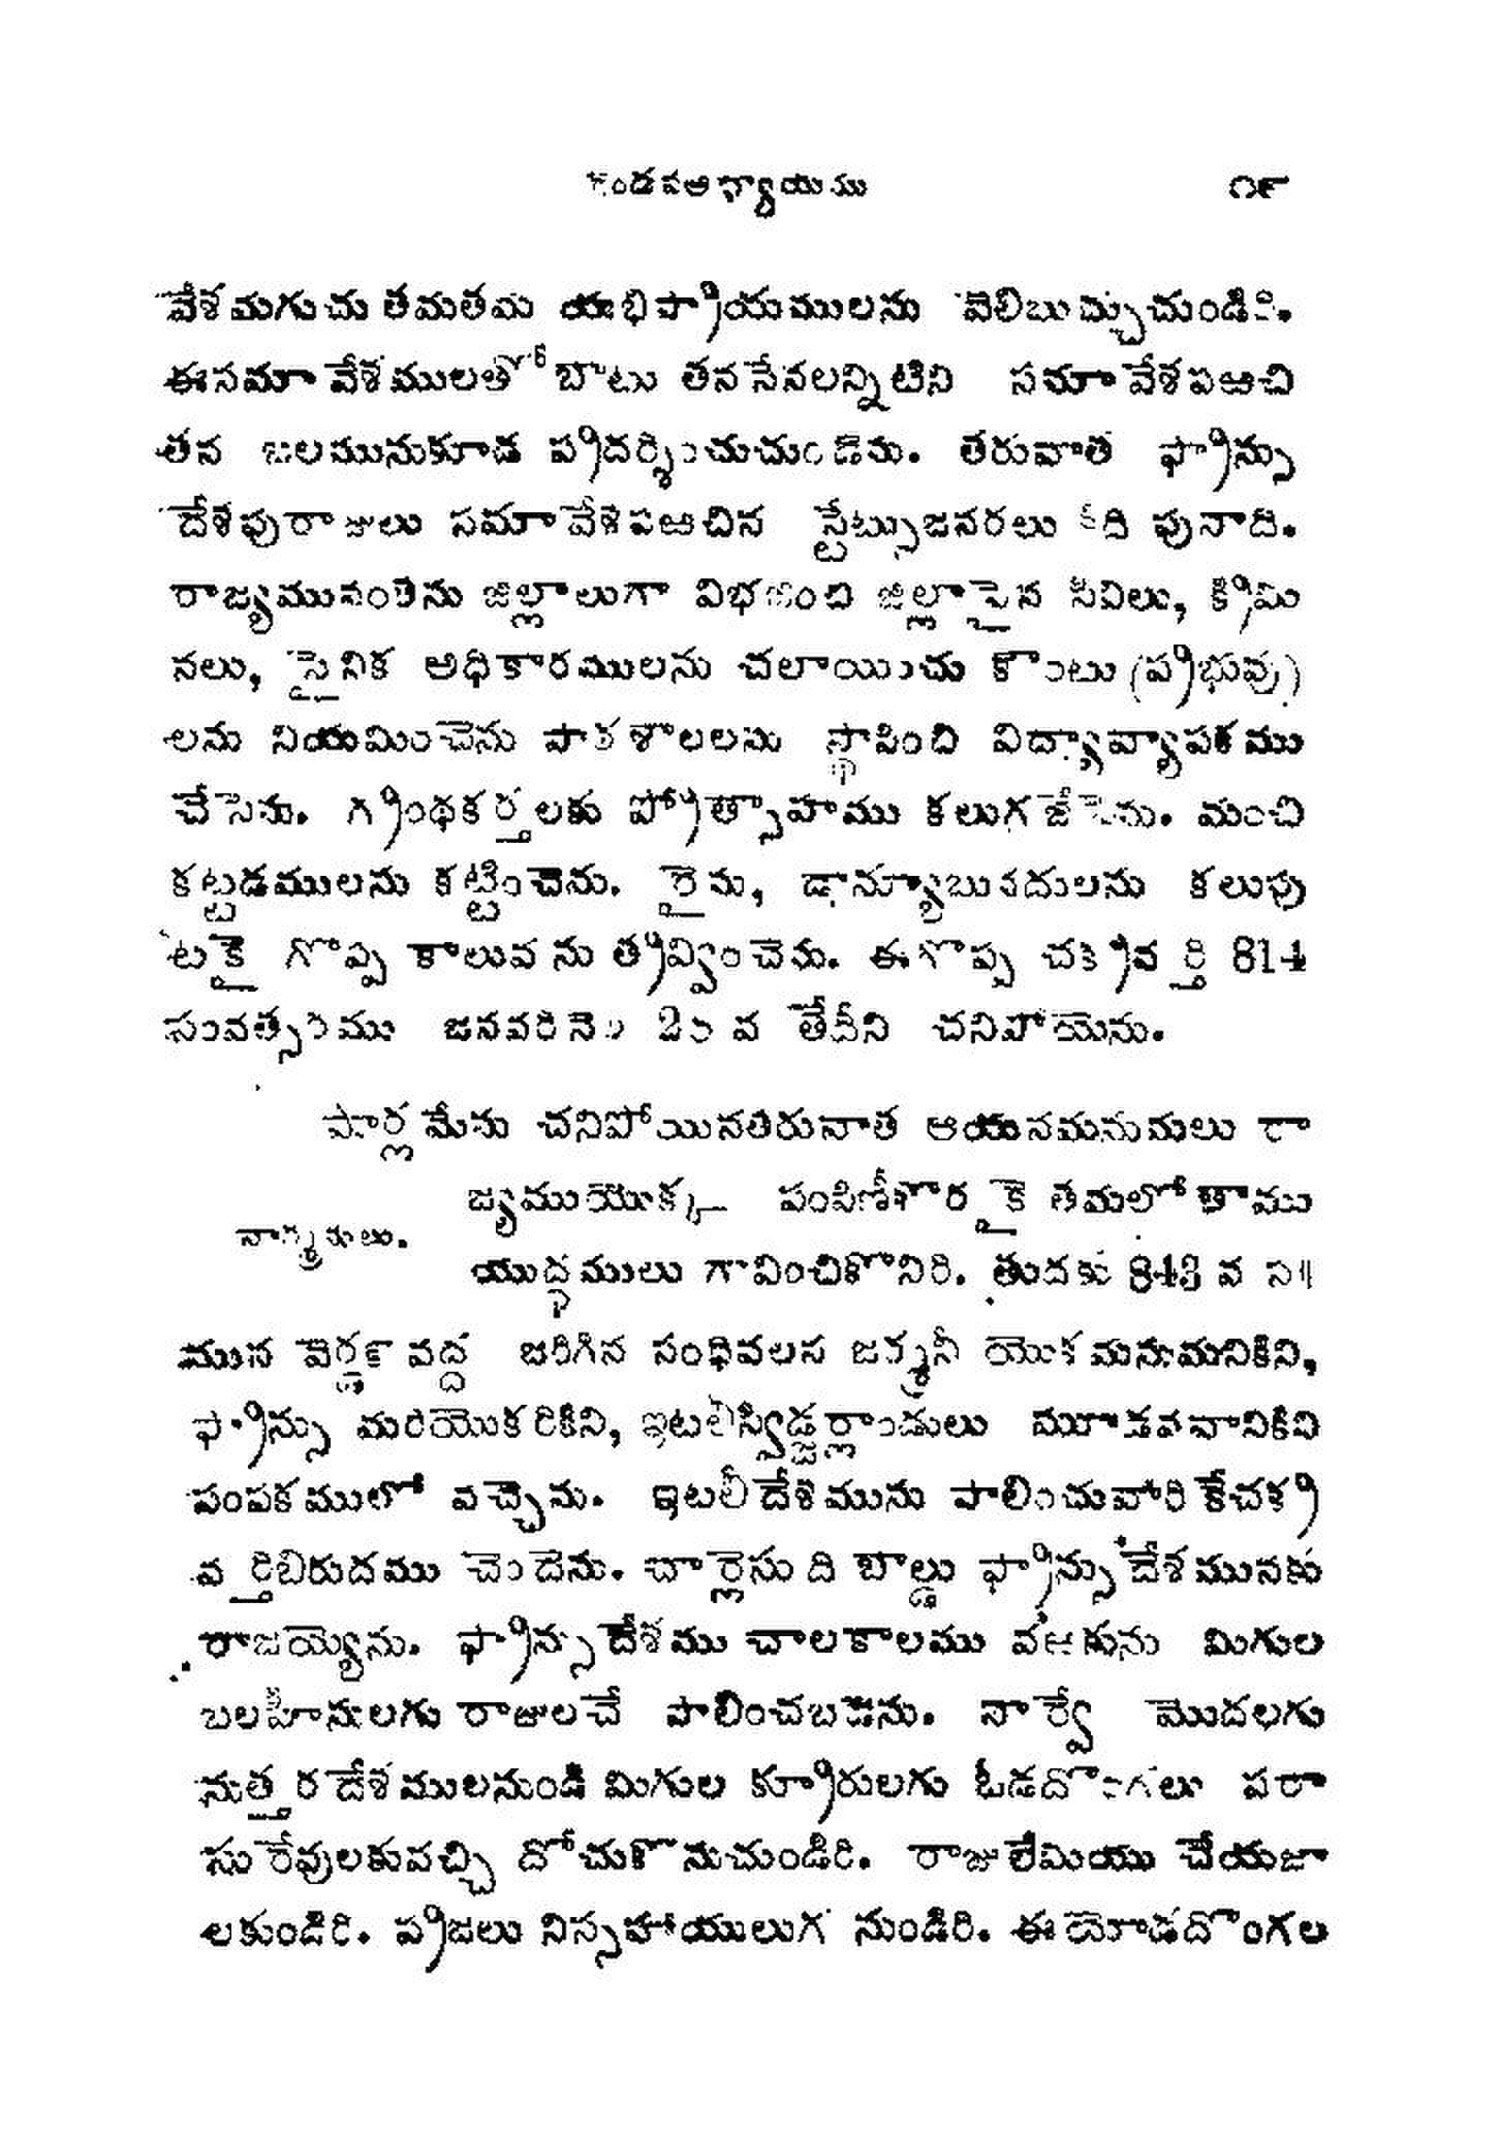వేశమగుచు తమతమ యభిప్రాయములను 'వెలిబుచ్చుచుండిరి,
ఈసమావేశములతో బాటు తన సేనలన్నిటినీ సమావేశపరచి
తన బలమునుకూడ ప్రదర్శించుచుఁండెను. తరువాత ఫ్రాన్సు
దేశ పు రాజులు సమావేశ పరచిన స్టేట్సు జనరలు కిది పునాది.
రాజ్యమునంతను జిల్లాలుగా విభంచి జిల్లాపైన సివిలు, క్రిమి
నలు, సైనిక అధికారములను చలాయించు కౌంటు (ప్రభువు)
లను నియమిం చెసు పాఠశాలలను స్థాపించి విద్యావ్యాపకము
చేసెను. గ్రంథకర్తలకు ప్రోత్సాహము కలుగ జేసెను. మంచి
కట్టడములను కట్టించెను. రైను, డాన్యూబు నదులను కలుపు
టకై గొప్ప కాలువను తవ్వించెను. ఈ గొప్ప చక్రవర్తి 814
సువత్సము జనవరి నెల 28వ తేదీని చనిపోయెను.

షార్ల మేను చనిపోయిన తరువాత ఆయనమనుమలు రా
జ్యము యొక్క పంపిణీ కొరకై తమలో తాము
యుద్ధములు గావించి కొనిరి. తుదకు 843వ || సం.
మున వెల్డన్ వద్ద జరిగిన సంధివలన జన్మనీ యొక మనుమనికిని,
ప్రాన్సు మరియొకరికిని, ఇటలీ స్విడ్జర్లాండులు మూడవవానికిని
పంపకములో వచ్చెను. ఇటలీ దేశ మును పాలించువారికే చక్ర
వర్తి బిరుదము చెందెను. చార్లెసు ది బాల్డు ఫ్రాన్సు దేశమునకు
రాజయ్యెను. ఫ్రాన్సు దేశము చాలకాలము వరకును మిగుల
బలహీనులగు రాజులచే పాలించబడెను. నార్వే మొదలగు
నుత్త రదేశముల నుండి మిగుల క్రూరులగు ఓడదొంగలు పరా
సురేవులకు వచ్చి దోచుకొనుచుండిరి. రాజు లేమియు చేయజూ
లకుండిరి. ప్రజలు నిస్సహాయులుగ నుండిరి. ఈయోడదొంగల